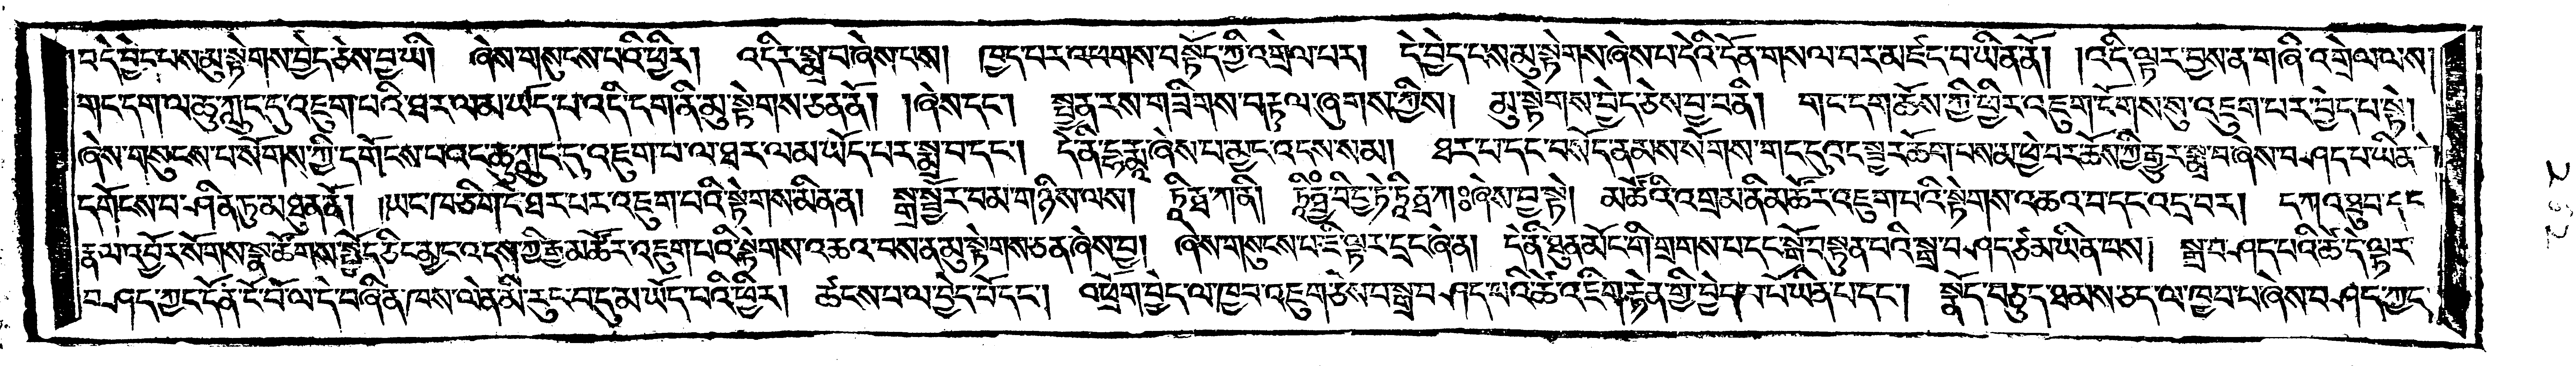བདེ་བྱེད་པས་མུ་སྟེགས་བྱེད་ཅེས་བྱ་ཡི། ཞེས་གསུངས་པའི་ཕྱིར། འདིར་སྨྲ་བ་ཞེས་པས། ཁྱད་པར་འཕགས་བསྟོན་ཀྱི་འགྲེལ་པར། དེ་བྱེད་པས་མུ་སྟེགས་ཞེས་པ་དེའི་དོན་གསལ་བར་མཛད་པ་ཡིན་ནོ། །འདི་ལྟར་བྱས་ན་གཞི་འགྲེལ་ལས།
གང་དག་ལ་ཆུ་ཀླུང་དུ་འཇུག་པའི་ཐར་ལམ་ཡོད་པ་འདི་དག་ནི་མུ་སྟེགས་ཅན་ནོ། །ཞེས་དང་། སྤྱན་རས་གཟིགས་བརྟུལ་ཞུགས་ཀྱིས། མུ་སྟེགས་བྱེད་ཅེས་བྱ་བ་ནི། གང་དག་ཆོས་ཀྱི་ཕྱིར་འཇུག་དོགས་སུ་འཇུག་པར་བྱེད་པ་སྟེ།
ཞེས་གསུངས་པ་སོགས་ཀྱི་དགོངས་པའང་ཆུ་ཀླུང་དུ་འཇུག་པ་ལ་ཐར་ལམ་ཡོད་པར་སྨྲ་བ་དང་། དེ་ནི་དྷརྨཱ་ཞེས་པ་མྱང་འདས་སམ། ཐར་པ་དང་བསོད་ནམས་སོགས་གང་དུའང་སྦྱར་ཆོག་པས་མ་ཕྱེ་བར་ཆོས་ཀྱི་རྒྱུར་སྨྲ་བ་ཞེས་བཤད་པ་ཡིན་ཏེ།
དགོངས་བ་ཤིན་ཏུ་མཐུན་ནོ། །ཡང་ཁ་ཅིག་དེ་ཐར་པར་འཇུག་པའི་སྟེགས་མིན་ན། སྒྲ་སྦྱོར་བ་མ་གཉིས་ལས། ཏཱི་རྠ་ཀ་ནི། ཏཱིནྱཾ་བི་དྱ་ཏེ་ཏཱིརྠ་ཀཿ ཞེས་བྱ་སྟེ། མཚོའི་འགྲམ་ནི་མཚོར་འཇུག་པའི་སྟེགས་འཆའ་བ་དང་འདྲ་བར། དཀའ་ཐུབ་དང་
རྣལ་འབྱོར་སོགས་སྣ་ཚོགས་སྤྱོད་ཅིང་མྱང་འདས་ཀྱི་རྒྱ་མཚོར་འཇུག་པའི་སྟེགས་འཆའ་བས་ན་མུ་སྟེགས་ཅན་ཞེས་བྱ། ཞེས་གསུངས་པ་ཇི་ལྟར་དྲང་ཞེ་ན། དེ་ནི་ཐུན་མོང་གི་གྲགས་པ་དང་སྒོ་བསྟུན་པའི་སྒྲ་བཤད་ཙམ་ཡིན་པས། སྒྲ་བཤད་པའི་ཚེ་དེ་ལྟར་
བཤད་ཀྱང་དོན་ངོ་བོ་ལ་དེ་བཞིན་ཁས་ལེན་མི་རུང་བ་དུ་མ་ཡོད་པའི་ཕྱིར། ཚངས་པ་ལ་བྱེད་པོ་དང་། འཕྲོག་བྱེད་ལ་ཁྱབ་འཇུག་ཅེས་བསྒྲ་བཤད་པའི་ཚེ་འཇིག་རྟེན་གྱི་བྱེད་པ་པོ་ཡིན་པ་དང་། སྣོད་བཅུད་ཐམས་ཅད་ལ་ཁྱབ་པ་ཞེས་བཤད་ཀྱང་